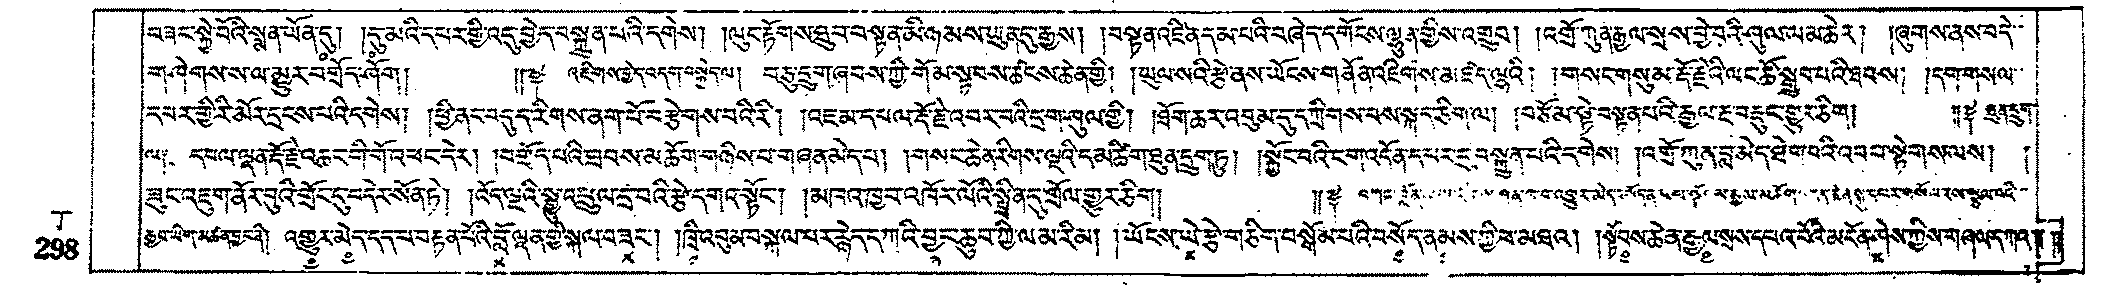བཟང་སྐྱེ་བོའི་སྨན་ཡོན་དུ། །དུ་མའི་དཔར་གྱི་འདུ་བྱེད་བསྐྲུན་པའི་དགེས། །ལུང་རྟོགས་ཐུབ་བསྟན་མི་ཉམས་ཡུན་དུ་རྒྱས། །བསྟན་འཛིན་དམ་པའི་བཞེད་དགོངས་ལྷུན་གྱིས་འགྲུབ། །འགྲོ་ཀུན་རྒྱལ་སྲས་བྱེ་བའི་ཤུལ་ལམ་ཆེར། །ཞུགས་ནས་བདེ་་་
གཤེགས་ས་ལ་མྱུར་བགྲོད་ཤོག། །། འ་འཇིགས་བྱེད་བདག་བསྐྱེད་ལ།  བཅུ་དྲུག་ཞབས་ཀྱི་གོམ་སྟབས་ཚང་ཆེན་གྱི། །ཡུལ་སའི་རྩེ་ནས་ཡོངས་གནོན་འཇིགས་མཛད་ལྷའི། །གསང་གསུམ་རྡོ་རྗེའི་ལང་ཚོ་སྒྲུབ་པའི་ཐབས། །དག་གསལ་་་
དཔར་གྱི་རི་མོར་དྲངས་པའི་དགེས། །ཕྱི་ནང་བདུད་རིགས་ནག་པོ་བརྩེགས་པའི་རི། །འཇམ་དཔལ་རྡོ་རྗེ་འབར་བའི་དྲག་ཤུལ་གྱི། །ཐོག་ཆར་འབུམ་དུ་དཀྲིགས་པས་སྐད་ཅིག་ལ། །བཅོམ་སྟེ་བསྟན་པའི་རྒྱལ་རྔ་བརྡུང་གྱུར་ཅིག། །། འ་ཐུན་དྲུག་
ལ༑ དཔལ་ལྡན་རྡོ་རྗེ་འཆང་གི་གོ་འཕང་དེར། །བགྲོད་པའི་ཐབས་མཆོག་གཉིས་པ་གཞན་མེད་པ། །གསང་ཆེན་རིགས་ལྔའི་དམ་ཚིག་ཐུན་དྲུག་ཏུ། །སྐྱོང་བའི་ངག་འདོན་དཔར་དུ་བསྐྲུན་པའི་དགེས། །འགྲོ་ཀུན་བླ་མེད་ཐེག་པའི་འབབ་སྟེགས་ལས། །
ཟུང་འཇུག་ནོར་བུའི་གྲོང་དུ་བདེར་སོན་ཏེ། །འོད་ལྔའི་སྒྱུར་འཕྲུལ་དྲ་བའི་རྩེ་དགའ་སྟོང་། །མཁའ་ཁྱབ་འཁོར་ལོའི་སྤྲིན་དུ་གྲོལ་གྱུར་ཅིག། །། འ་བཀའ་བློན་ལས་རགས་ཤན?་ཁ་བ་འགྱུར་མེད་བསོད་ནམས་རྒྱལ་མཆོགས་འདད་རྟན་སྐུ་དཔར་གསོལ་རས་སྩལ་བའི་་་
རྒྱབ་ཡིག་མཚན་བྱང་ནི། འགྱུར་མེད་དད་པ་བརྟན་པོའི་བློ྾་ལྡན་གྱི་སྐལ་བཟང྾། །ཁྲི་འབུམ་བསྐལ་པར་ཉེད་དཀའི་བྱང་ཆུབ་ཀྱི་ལམ་རིམ། །ཡོངས་ཡེ྾་རྩེ་གཅིག་བསྒོམ་པའི་བསོད་ནམས་ཀྱི་ཕ་མཐའ། །སྟོབས་ཆེན་རྒྱལ་སྲས་དཔའ་བོའི་མངོན་ཤེས་ཀྱིས་གཞལ་དཀའ། །